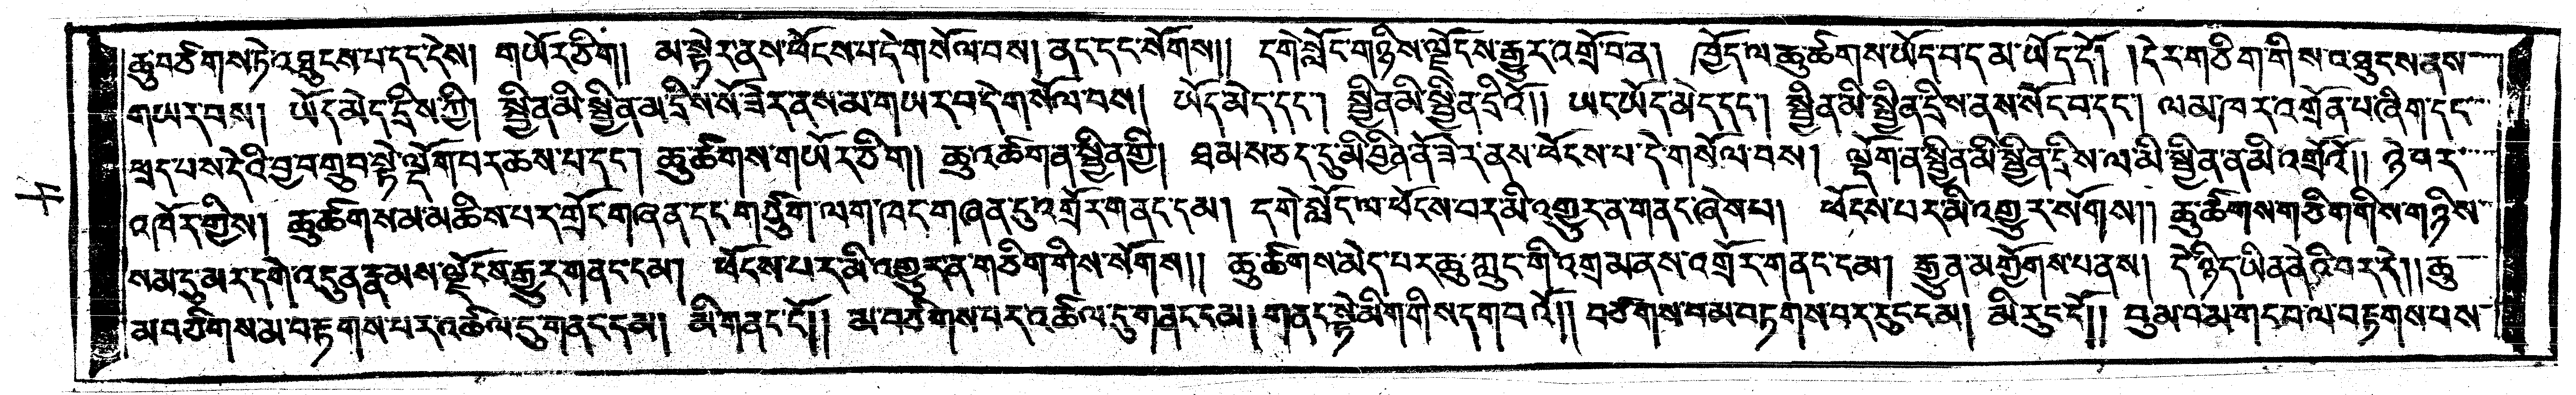ཆུ་བཙགས་ཏེ་འཐུངས་པ་དང་དེས། གཡོར་ཅིག། མ་སྟེར་ནས་ཕོངས་པ་དེ་གསོལ་བས། ནང་དང་སོགས། དགེ་སློང་གཉིས་ལྗོངས་རྒྱུར་འགྲོ་བ་ན། ཁྱོད་ལ་ཆུ་ཚགས་ཡོད་བ་དམ་ཡོད་དོ། །དེར་གཅིག་གིས་འཐུངས་ནས་
གཡར་བས། ཡོད་མེད་དྲིས་ཀྱི། སྦྱིན་མི་སྦྱིན་མ་དྲིས་སོ་ཟེར་ནས་མ་གཡར་བ་དེ་གསོལ་བས། ཡོད་མེད་དང་། སྦྱིན་མི་སྦྱིན་དྲིའོ།། ཡང་ཡོད་མེད་དང་། སྦྱིན་མི་སྦྱིན་དྲི་ས་ནས་སོང་བ་དང་། ལམ་ཁར་འགྲོན་པ་ཞིག་དང་
ཕྲད་པས་དེའི་བྱ་བ་གྲུབ་སྟེ་ལྡོག་པར་ཆས་པ་དང་། ཆུ་ཚགས་གཡོར་ཅིག། ཆུ་འཚག་ན་སྦྱིན་གྱི། ཐམས་ཅད་དུ་མི་བྱིན་ནོ་ཟེར་ནས་ཕོངས་པ་དེ་གསོལ་བས། ལྡོག་ན་སྦྱིན་མི་སྦྱིན་དྲིས་ལ་མི་སྦྱིན་ན་མི་འགྲོའོ།། ཉེ་བར་
འཁོར་གྱིས། ཆུ་ཚགས་མ་མཆིས་པར་གྲོང་གཞན་དང་གཙུག་ལག་ཁང་གཞན་དུ་འགྲོར་གནང་དམ། དགེ་སློང་ལ་ཕོངས་བར་མི་འགྱུར་ན་གནང་ཞེས་པ། ཕོངས་པར་མི་འགྱུར་སོགས།། ཆུ་ཚགས་གཅིག་གིས་གཉིས་
སམ་དུ་མར་དགེ་འདུན་རྣམས་ལྗོངས་རྒྱུར་གནང་ངམ། ཕོངས་པར་མི་འགྱུར་ན་གཅིག་གིས་སོགས།། ཆུ་ཚགས་མེད་པར་ཆུ་ཀླུང་གི་འགྲམ་ནས་འགྲོར་གནང་ངམ། རྒྱུན་མགྱོགས་པ་ནས། དེ་ཉིད་ཡིན་ནེའི་བར་དེ། །ཆུ་
མ་བཙགས?་མ་བརྟགས་པར་འཚལ་དུ་གནང་དམ། མི་གནང་ངོ།། མ་བཙགས་པར་འཚལ་དུ་གནང་ངམ། གནང་སྟེ་མིག་གིས་དག་བའོ།། བཙགས་བ་མ་བཏགས་བར་རུང་ངམ། མི་རུང་ངོ།། བུམ་བ་མ་གང་བ་ལ་བརྟགས་པས་